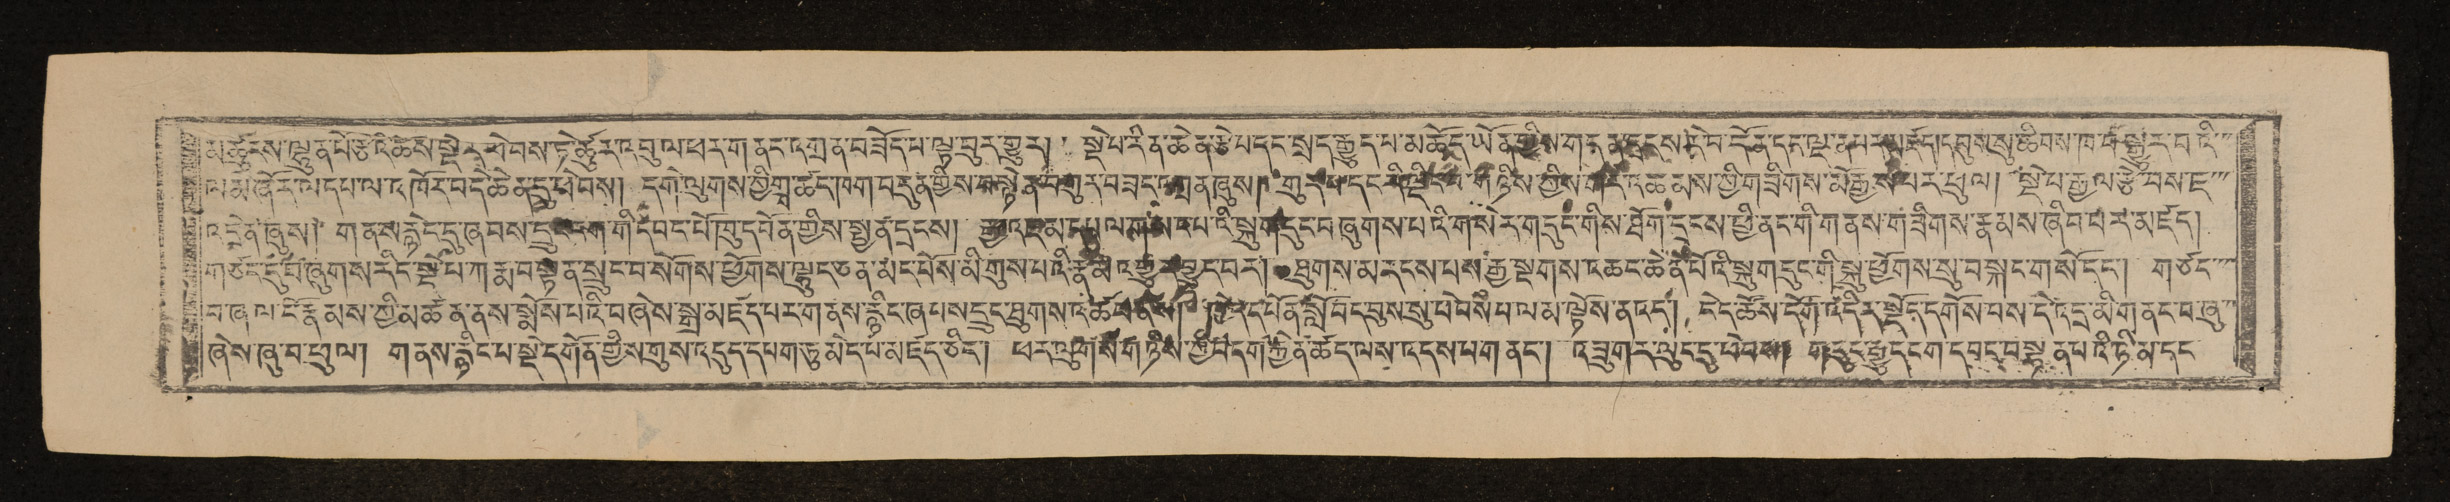མཚུངས་ལྷུན་པོ་རྩེའི་ཆོས་སྡེར་ཕེབས་ཏེ་ཚུར་འབུལ་པར་གནང་འགྲན་བཟོད་པ་ལྟ་བུར་གྱུར། སྡེ་པ་རིན་ཆེན་རྩེ་བ་དང་སྲད་རྒྱུད་པ་མཆོད་ཡོན་གྱིས་གདན་དྲངས་རེ་བ་དེ་ན་དང་ལྡན་པར་མཛད་དབུས་སུ་ཆིབས་ཁ་བསྒྱུར་བའི་
ལམ་ཞོར་ལ་དཔལ་འཁོར་བདེ་ཆེན་དུ་ཕེབས། དགེ་ལུགས་ཀྱི་གྲྭ་ཚང་ཁག་བདུན་གྱིས་བསྙེན་བཀུར་བཟང་འགྲན་ཞུས། གུར་བ་དང་རི་ལྡིང་བ་གཉིས་ཀྱིས་གར་འཆམས་ཀྱི་གཟིགས་མོ་རྒྱས་པར་ཕུལ། སྡེ་པ་རྒྱལ་རྩེ་བས་ཇ་
འདྲེན་ཞུས། གནས་རྙིང་དུ་ཞབས་དྲུང་ངག་གི་དབང་པོ་ཁུ་དཔོན་གྱིས་སྤྱན་དྲངས། རྒྱ་འཇམ་དཔལ་གསང་བའི་སྐུ་གདུང་བཞུགས་པའི་གསེར་གདུང་གིས་ཐོག་དྲངས་ཕྱི་ནང་གི་གནས་གཟིགས་རྣམས་ཞིབ་པར་མཛད།
གཙང་དུ་བཞུགས་རིང་སྡེ་པ་ཀརྨ་བསྟན་སྲུང་པ་སོགས་ཕྱོགས་ལྷུང་ཅན་མང་པོས་མི་གུས་པའི་རྣམ་འགྱུར་བྱུང་བར། ཐུགས་མ་རངས་པས་རྒྱ་སྔགས་འཆང་ཆེན་པོའི་སྐུ་གདུང་གི་སྐུ་ཕྱོགས་སུ་བསྐང་གསོ་དང་། གཙང་
བ་ཞལ་ངོ་རྣམས་ཀྱི་མཚན་ནས་སྨོས་པའི་བཞེས་སྒྲ་མཛད་པར་གནས་རྙིང་ཞབས་དྲུང་ཐུགས་འཚབ་ནས། ཁྱེད་དཔོན་སློབ་དབུས་སུ་ཕེབས་པ་ལ་མ་ལྟོས་ནའང་། ངེད་ཚོས་དོག་འདིར་སྡོད་དགོས་པས་དེ་འདྲ་མི་གནང་བ་ཞུ་
ཞེས་ཞུ་བ་ཕུལ། གནས་རྙིང་པ་སྡེ་དགོན་གྱིས་གུས་འདུད་དཔག་ཏུ་མེད་པ་མཛད་ཅིང་། ཕར་ལུགས་གཉིས་ཀྱི་བདག་རྐྱེན་ཚད་ལས་འདས་པ་གནང་། འབྲུག་ར་ལུང་དུ་ཕེབས། གདུང་རྒྱུད་ངག་དབང་བསྟན་པའི་ཉི་མ་དང་